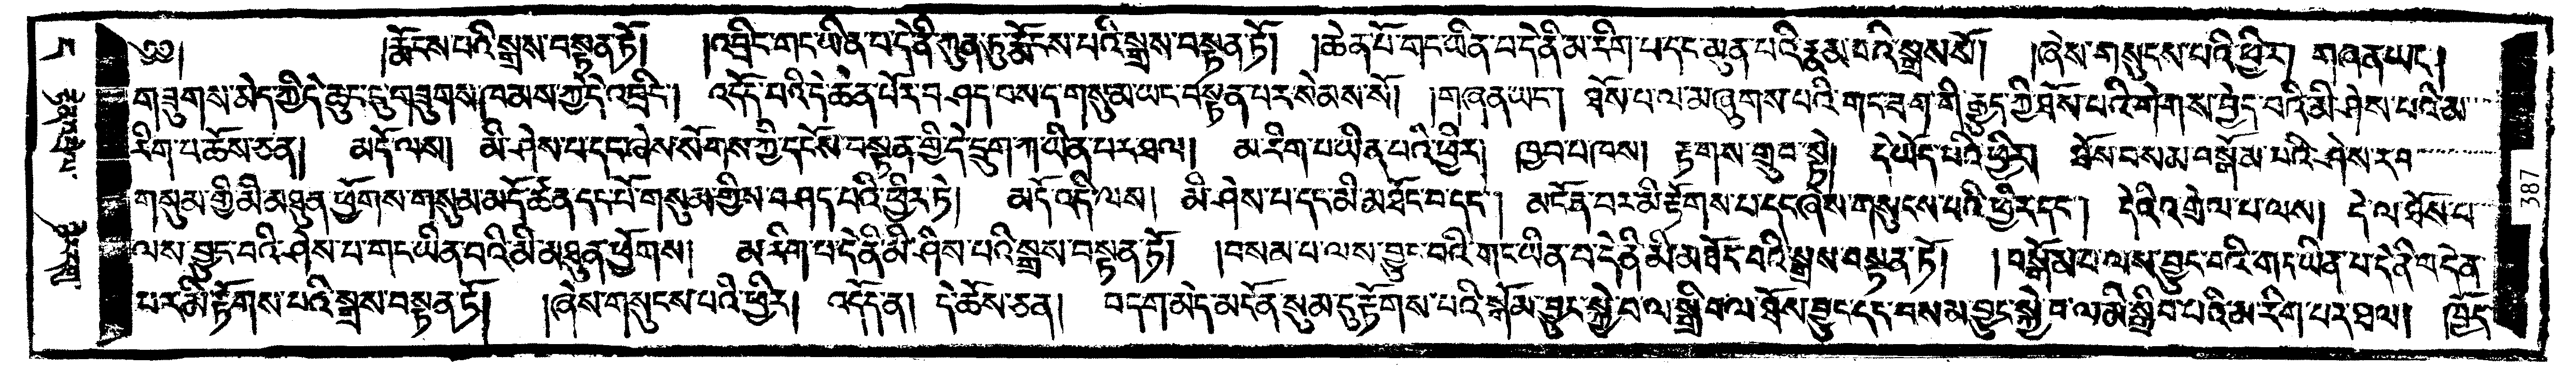༄༅། །རྨོངས་པའི་སྒྲས་བསྟན་ཏོ། །འབྲིང་གང་ཡིན་པ་དེ་ནི་ཀུན་ཏུ་རྨོངས་པའི་སྒྲས་བསྟན་ཏོ། །ཆེན་པོ་གང་ཡིན་པ་དེ་ནི་མ་རིག་པ་དང་མུན་པའི་རྣམ་པའི་སྒྲས་སོ། །ཞེས་གསུངས་པའི་ཕྱིར། གཞན་ཡང་།
གཟུགས་མེད་ཀྱི་དེ་ཆུང་ངུ་གཟུགས་ཁམས་ཀྱི་དེ་འབྲིང་། འདོད་པའི་དེ་ཆེན་པོར་བཤད་པས་ད་གསུམ་ཡང་བསྟན་པར་སེམས་སོ། །གཞན་ཡང་། ཐོས་པ་ལ་མ་ཞུགས་པའི་གང་ཟག་གི་རྒྱུད་ཀྱི་ཐོས་པའི་གེགས་བྱེད་པའི་མི་ཤེས་པའི་མ་
རིག་པ་ཆོས་ཅན། མདོ་ལས། མི་ཤེས་པ་དང་ཞེས་སོགས་ཀྱི་དངོས་བསྟན་གྱི་དེ་དྲུག་ཀ་ཡིན་པར་ཐལ། མ་རིག་པ་ཡིན་པའི་ཕྱིར། ཁྱབ་པ་ཁས། རྟགས་གྲུབ་སྟེ། དེ་ཡོད་པའི་ཕྱིར། ཐོས་བསམ་བསྒོམ་པའི་ཤེས་རབ་
གསུམ་གྱི་མི་མཐུན་ཕྱོགས་གསུམ་མདོ་ཚན་དང་པོ་གསུམ་གྱིས་བཤད་པའི་ཕྱིར་ཏེ། མདོ་འདི་ལས། མི་ཤེས་པ་དང་མི་མཐོང་བ་དང་། མངོན་པར་མི་རྟོགས་པ་དང་ཞེས་གསུངས་པའི་ཕྱིར་དང་། དེའི་འགྲེལ་པ་ལས། དེ་ལ་ཐོས་པ་
ལས་བྱུང་བའི་ཤེས་པ་གང་ཡིན་པའི་མི་མཐུན་ཕྱོགས། མ་རིག་པ་དེ་ནི་མི་ཤེས་པའི་སྒྲས་བསྟན་ཏོ། །བསམ་པ་ལས་བྱུང་བའི་གང་ཡིན་པ་དེ་ནི་མི་མཐོང་བའི་སྒྲས་བསྟན་ཏོ། །བསྒོམ་པ་ལས་བྱུང་བའི་གང་ཡིན་པ་དེ་ནི་བདེན་
པར་མི་རྟོགས་པའི་སྒྲས་བསྟན་ཏོ། །ཞེས་གསུངས་པའི་ཕྱིར། འདོད་ན། དེ་ཆོས་ཅན། བདག་མེད་མངོན་སུམ་དུ་རྟོགས་པའི་སྒོམ་བྱུང་སྐྱེ་བ་ལ་སྒྲིབ་ལ་ཐོས་བྱུང་དད་བསམ་བྱུང་སྐྱེ་བ་ལ་མི་སྒྲིབ་པའི་མ་རིག་པར་ཐལ། ཁྱོད་